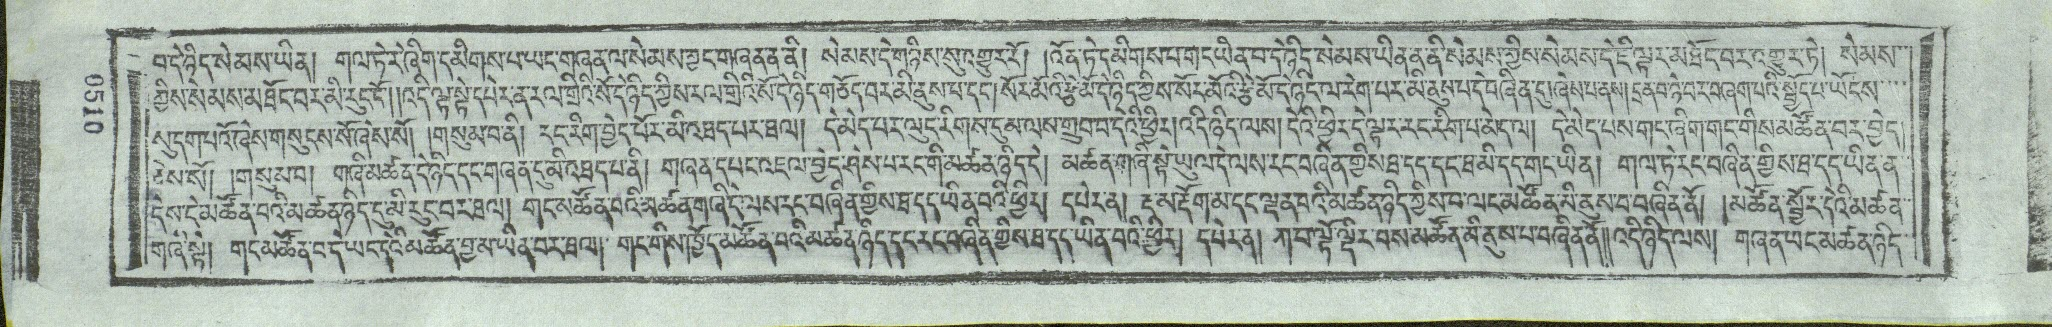བ་དེ་ཉིད་སེམས་ཡིན། གལ་ཏེ་རེ་ཞིག་དམིགས་པ་ཡང་གཞན་ལ་སེམས་ཀྱང་གཞན་ན་ནི། སེམས་དེ་གཉིས་སུ་འགྱུར་རོ། །འོན་ཏེ་དམིགས་པ་གང་ཡིན་པ་དེ་ཉིད་སེམས་ཡིན་ན་ནི་སེམས་ཀྱིས་སེམས་དེ་ཇི་ལྟར་མཐོང་བར་འགྱུར་ཏེ། སེམས་
ཀྱིས་སེམས་མཐོང་བར་མི་རུང་ངོ། །འདི་ལྟ་སྟེ་དཔེར་ན་རལ་གྲིའི་སོ་དེ་ཉིད་ཀྱིས་རལ་གྲིའི་སོ་དེ་ཉིད་གཅོད་པར་མི་ནུས་པ་དང་། སོར་མོའི་རྩེ་མོ་དེ་ཉིད་ཀྱིས་སོར་མོའི་རྩེ་མོ་དེ་ཉིད་ལ་རེག་པར་མི་ནུས་པ་དེ་བཞིན་དུ། ཞེས་པ་ནས། དྲན་པ་ཉེ་བར་བཞག་པའི་སྤྱོད་པ་ཡོངས་
སུ་དག་པའོ་ཞེས་གསུངས་སོ་ཞེས་སོ། །གསུམ་པ་ནི། རང་རིག་བྱེད་པོར་མི་འཐད་པར་ཐལ། དེ་མེད་པར་ལུང་རིགས་དུམ་ལས་གྲུབ་པ་དེའི་ཕྱིར། འདི་ཉིད་ལས། དེའི་ཕྱིར་དེ་ལྟར་རང་རིག་པ་མེད་ལ། དེ་མེད་པས་གང་ཞིག་གང་གིས་མཚོན་པར་བྱེད།
ཅེས་སོ། །གསུམ་པ། གཞི་མཚན་དེ་ཉིད་དང་གཞན་དུ་མི་འཐད་པ་ནི། གཞན་དཔང་འཇལ་བྱེད་ཤེས་པ་རང་གི་མཚན་ཉིད་དེ། མཚན་གཞི་སྟེ་ཡུལ་དེ་ལས་རང་བཞིན་གྱིས་ཐ་དད་དང་ཐ་མི་དད་གང་ཡིན། གལ་ཏེ་རང་བཞིན་གྱིས་ཐ་དད་ཡིན་ན་
དེས་དེ་མཚོན་པའི་མཚན་ཉིད་དུ་མི་རུང་བར་ཐལ། གང་མཚོན་པའི་མཚན་གཞི་དེ་ལས་རང་བཞིན་གྱིས་ཐ་དད་ཡིན་པའི་ཕྱིར། དཔེར་ན། རྔ་མ་རྡོག་མ་དང་ལྡན་པའི་མཚན་ཉིད་ཀྱིས་བ་ལང་མཚོན་མི་ནུས་པ་བཞིན་ནོ། །མཚོན་སྦྱོར་དེའི་མཚན་
གཞི་སྟེ། གང་མཚོན་པ་དེ་ཡང་དེའི་མཚོན་བྱ་མ་ཡིན་པར་ཐལ། གང་གིས་ཁྱོད་མཚོན་པའི་མཚན་ཉིད་དང་རང་བཞིན་གྱིས་ཐ་དད་ཡིན་པའི་ཕྱིར། དཔེར་ན། ཀ་བ་ལྟོ་ལྡིར་བས་མཚོན་མི་ནུས་པ་བཞིན་ནོ། །འདི་ཉིད་ལས། གཞན་ཡང་མཚན་ཉིད་